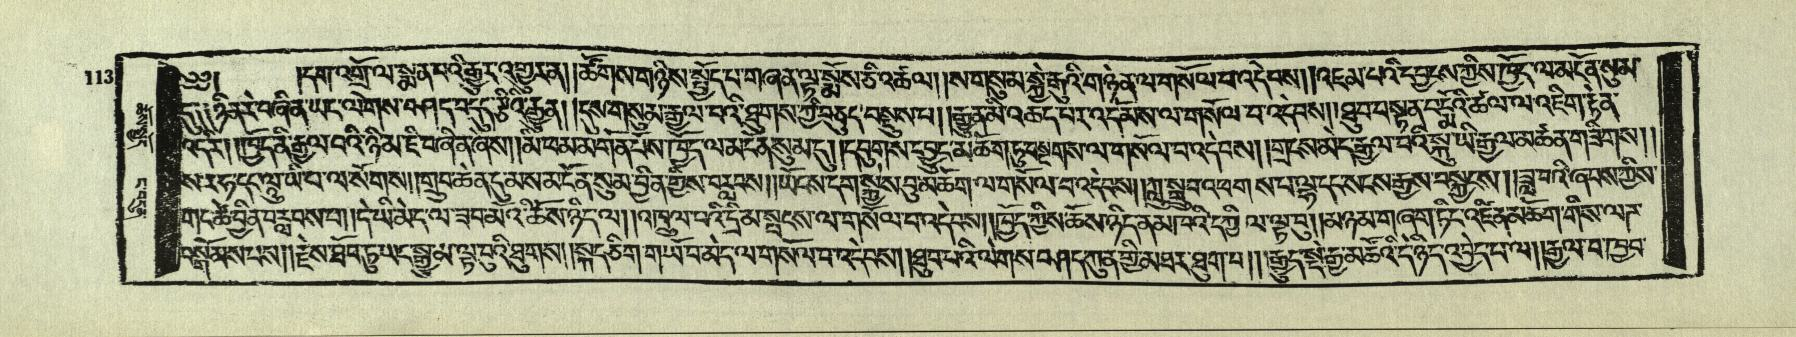༄༅། །དག་འགྲོ་ལ་སྨན་པའི་རྒྱུར་འགྱུར་ན། །ཚོགས་གཉིས་སྤྱོད་པ་གཞན་ལྟ་སྨོས་ཅི་འཚལ། །ས་གསུམ་སྐྱེ་རྒུའི་གཉེན་ལ་གསོལ་བ་འདེབས། །འཇམ་པའི་དབྱངས་ཀྱིས་ཁྱོད་ལ་མངོན་སུམ་
དུ༑ ༑ཉིན་རེ་བཞིན་ཡང་ལེགས་བཤད་བདུད་རྩིའི་རྒྱུན། །དུས་གསུམ་རྒྱལ་པའི་ཐུགས་ཀྱི་བཅུད་བསྡུས་པ། །རྒྱུན་མི་འཆད་པར་འདོམས་ལ་གསོལ་བ་འདེབས། །ཐུབ་བསྟན་པདམོའི་ཚལ་ལ་འཇིག་རྟེན་
འདིར། །ཁྱོད་ནི་རྒྱལ་བའི་ཉི་མ་ཇི་བཞིན་ཞེས། །མི་ཕམ་མགོན་པོས་ཁྱོད་ལ་མངོན་སུམ་དུ། །དབུགས་དབྱུང་མཆོག་ཏུ་བསྔགས་ལ་གསོལ་བ་འདེབས། །གྲངས་མེད་རྒྱལ་བའི་སྐུ་ཡི་རྒྱལ་མཚན་གཟིགས། །
ས་ར་ཧ་དང་ལཱུ་ཡི་བ་ལ་སོགས། །གྲུབ་ཆེན་དུ་མས་མངོན་སུམ་བྱིན་གྱིས་བརླབས། །ཡོངས་དག་སྐྱེས་བུ་མཆོག་ལ་གསོལ་བ་འདེབས། །ཀླུ་སྒྲུབ་འཕགས་པ་ལྷ་དང་སངས་རྒྱས་བསྐྱངས། །ཟླ་བའི་ཞབས་ཀྱིས་
གང་ཚེ་བྱིན་བརླབས། །དེ་ཡི་མེད་ལ་ཟབ་མོའི་ཆོས་ཉིད་ལ། །འཁྲུལ་པའི་དྲི་མ་སྤངས་ལ་གསོལ་བ་འདེབས། །ཁྱོད་ཀྱིས་ཆོས་ཉིད་ནམ་ཁའི་དཀྱིལ་ལྟ་བུ། །མཉམ་གཞག་ཏིང་འཛིན་མཆོག་གིས་ལཌ་
བསྒོམས་པས། །རྗེས་ཐོབ་ཏུ་ཡང་སྒྱུ་མ་ལྟ་བུའི་ཐུགས། །སྐད་ཅིག་གཡོ་བ་མེད་ལ་གསོལ་བ་འདེབས། །ཐུབ་པའི་ལེགས་བཤད་ཀུན་གྱི་མཐར་ཐུག་པ། །རྒྱུད་སྡེ་རྒྱ་མཚོའི་དེ་ཉིད་འབྱེད་པ་ལ། །རྒྱལ་བ་ཁྱབ་